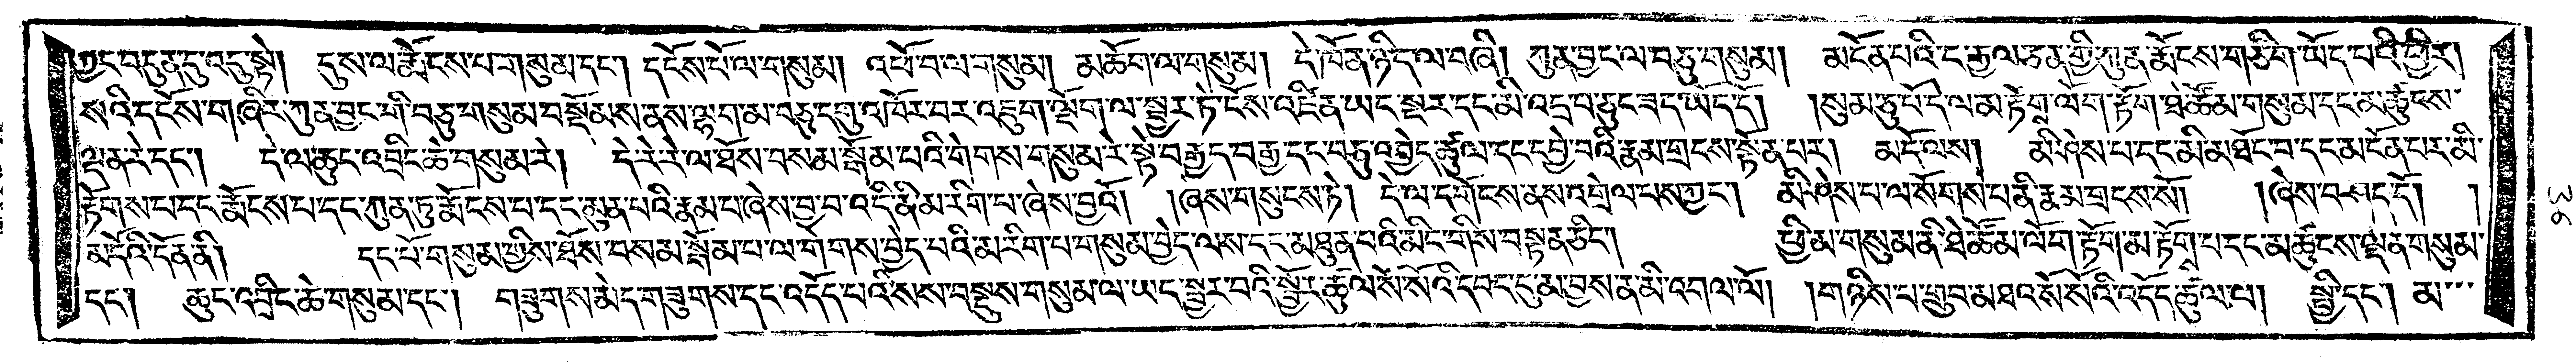ཀྱང་བདུན་དུ་འདུ་སྟེ། དུས་ལ་རྨོངས་པ་གསུམ་དང་། དངོས་པོ་ལ་གསུམ། འཕོབ་ལ་གསུམ། མཆོག་ལ་གསུམ། དེ་ཁོ་ན་ཉིད་ལ་བཞི། ཀུན་བྱང་ལ་བཅུ་གསུམ། མངོན་པའི་ང་རྒྱལ་ཅན་གྱི་ཀུན་རྨོངས་གཅིག་ཡོད་པའི་ཕྱིར།
སའི་དངོས་གཞིར་ཀུན་བྱང་གི་བཅུ་གསུམ་བསྡོམས་ནས་ལྷག་མ་བཅུ་དགུ་འཁོར་བར་འཇུག་ལྡོག་ལ་སྦྱར་ཏེ་ངོས་འཛིན་ཡང་སྔར་དང་མི་འདྲ་བ་ཅུང་ཟད་ཡོད་དོ། །སུམ་ཅུ་པོ་དེ་ལ་མ་རྟོག་ལོག་རྟོག་ཐེ་ཚོམ་གསུམ་དང་མཚུངས་
ལྡན་རི་དང་། དེ་ལ་ཆུང་འབྲིང་ཆ་གསུམ་རེ། དེ་རེ་རེ་ལ་ཐོས་བསམ་སྒོམ་པའི་གེགས་གསུམ་རེ་སྟེ་བརྒྱད་བརྒྱ་དང་བཅུ་འབྱེད་ཚུལ་དང་དབྱེ་བའི་རྣམ་གྲངས་སྟོན་པར། མདོ་ལས། མི་ཤེས་པ་ངང་མི་མཐོང་བ་དང་མངོན་པར་མི་
རྟོགས་པ་དང་རྨོངས་པ་དང་ཀུན་ཏུ་རྨོངས་པ་དང་མུན་པའི་རྣམ་པ་ཞེས་བྱ་བ་འདི་ནི་མ་རིག་པ་ཞེས་བྱའོ། །ཞེས་གསུངས་ཏེ། དེ་ལ་དགོངས་ནས་འགྲེལ་པས་ཀྱང་། མི་ཤེས་པ་ལ་སོགས་པ་ནི་རྣམ་གྲངས་སོ། །ཞེས་བཤད་དོ། །
མདོའི་དོན་ནི། དང་པོ་གསུམ་གྱིས་ཐོས་བསམ་སྒོམ་པ་ལ་གེགས་བྱེད་པའི་མ་རིག་པ་གསུམ་བྱེད་ལས་དང་མཐུན་པའི་མིང་གིས་བསྟན་ཅིང་། ཕྱི་མ་གསུམ་ནི་ཐེ་ཚོམ་ལོག་རྟོག་མ་རྟོག་པ་ངང་མཚུངས་ལྡན་གསུམ་
དང་། ཆུང་འབྲིང་ཆེ་གསུམ་དང་། གཟུགས་མེད་གཟུགས་དང་འདོད་པའི་སས་བསྡུས་གསུམ་ལ་ཡང་སྦྱར་བའི་སྦྱོར་ཚུལ་སོ་སོའི་དབང་དུ་མ་བྱས་ན་མི་འགལ་ལོ། །གཉིས་པ་གྲུབ་མཐའ་སོ་སོའི་འདོད་ཚུལ་ལ། སྤྱི་དང་། མ་